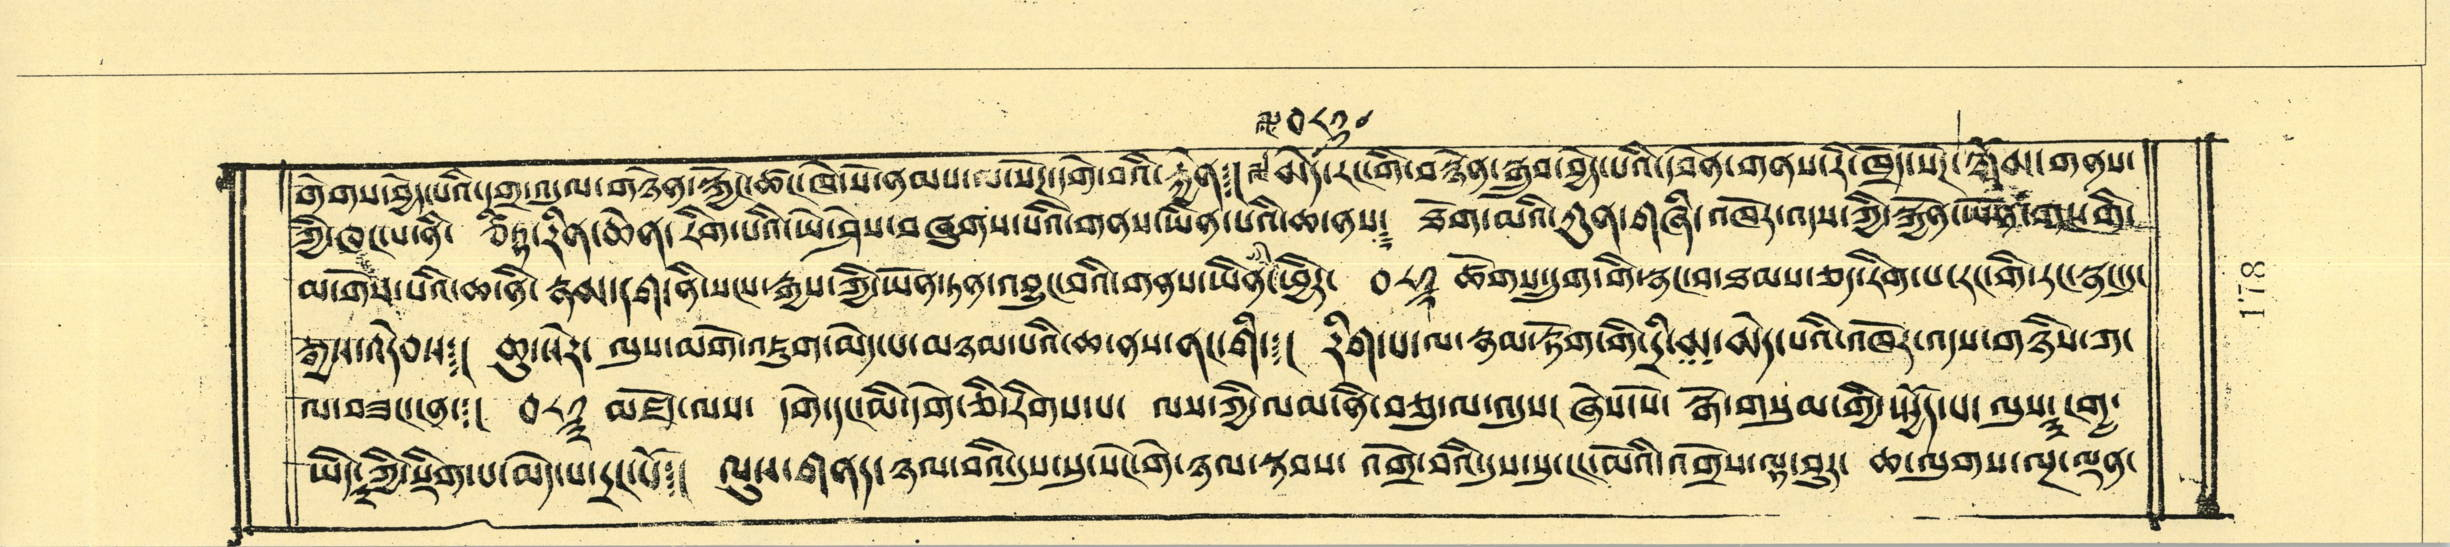གེགས་བྱེད་པའི་དགྲ་འདུལ་གཉེན་སྐྱོིང་ཚོང་ཁེ་སོ་ནམ་ལ་སོགས་པའི་རྐྱེན་ བ༨༡།༡མེད་རང་གི་བསྙེན་སྒྲུབ་བྱེད་པའི་དབེན་གནས་རི་ཁྲོད་སོགས་སྒོམ་གནས་
ཀྱི་ཁང་པ་ནི་ ཙིརྟ་རིན་ཆེན་རིག་པའི་ཡེ་ཤེས་བཞུགས་པའི་གནས་ཡིན་པའི་ཆ་ནས། ཐོག་མའིཀུན་གཞི་འཁོར་འདས་ཀྱི་སྐྱོན་ཡོན་གང་གིས་
མ་གོས་པའི་ཆ་ནས་རྣམ་དག་ནི་སངས་རྒྱས་ཀྱི་ཡོན་ཏན་འབྱུང་བའི་གནས་ཡིན་པའི་ཕྱིར། བ༨༡།༢ཚོགས་དྲུག་གི་སྣང་བ་ཐམས་ཅད་རིག་པ་རང་གི་རང་སྣང་དུ་
རྒྱས་འདེབས་ ཆུ་སེར་ ལུས་མགོ་འཇུག་མེད་པ་མཉམ་པའི་ཆ་ནས་ནང་གི་ རིག་པ་ལ་རྣམ་རྟོག་དྲི་མ་མེད་པའི་འཁོར་འདས་གཉིས་ཀ་
ལ་བཟང་ངན་ བ༨༡།༣ མཛོད་ལས་ དགེ་དང་མི་དགེ་ཅི་རིགས་པ་ ལས་ཀྱི་ལམ་བཅུ་ལ་འདུས་ཞེས་སོ། སྒོ་གསུམ་གྱི་སྤྱོད་པ་ལུས་༣ངག་༤
ཡིད་༣གསུམ་གྱི་སྡིག་པ་མེད་པ་དྲང་པོ་ ལུས་གནད་ཉལ་བའི་དུས་སུ་སེང་གེ་ཉལ་སྟབས་འགྲོ་བའི་དུས་སུ་ངང་མོའི་འགྲོས་ལྟ་བུར་ ཆ་ལུགས་ལྔ་ལྡན་